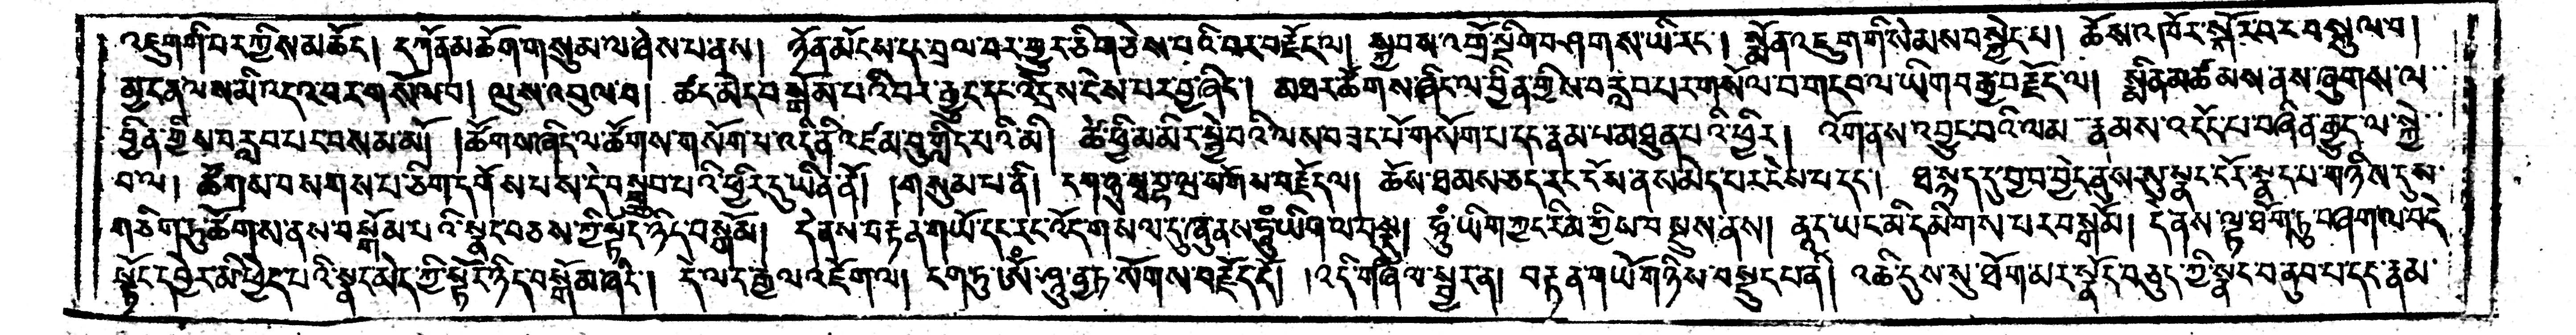འཇུག་གི་བར་ཀྱིས་མཆོད། དཀོན་མཆོག་གསུམ་ལ་ཞེས་པ་ནས། ཉོན་མོངས་དང་བྲལ་བར་གྱུར་ཅིག་ཅེས་པའི་བར་བརྗོད་ལ། སྐྱབས་འགྲོ་སྡིག་བཤགས་ཡི་རང་། སྨོན་འཇུག་གི་སེམས་བསྐྱེད་པ། ཆོས་འཁོར་སྐོར་བར་བསྐུལ་བ།
མྱ་ངན་ལས་མི་འདའ་བར་གསོལ་བ། ལུས་འབུལ་བ། ཚང་མེད་བསྒོམ་པའི་བར་རྒྱུད་དང་འདྲེས་ངེས་པར་བྱ་ཞིང་། མཐར་ཚོགས་ཞིང་ལ་བྱིན་གྱིས་བརླབ་པར་གསོལ་བ་གདབ་ལ་ཡིག་བརྒྱ་བརྗོད་ལ། སྨིན་མཚམས་ནས་ཞུགས་ལ་
བྱིན་གྱིས་བརླབ་པར་བསམ་མོ། །ཚོགས་ཞིང་ལ་ཚོགས་གསོག་པ་འདི་ནི་འཛམ་བུ་གླིང་པའི་མི། ཚེ་ཕྱི་མ་མིར་སྐྱེ་བའི་ལས་བཟང་པོ་གསོག་པ་དང་རྣམ་པ་མཐུན་པའི་ཕྱིར། འོག་ནས་འབྱུང་བའི་ལམ་རྣམས་འདོད་པ་བཞིན་རྒྱུད་ལ་སྐྱེ་
བ་ལ། ཚོགས་བསགས་པ་ཅིག་དགོས་པས་དེ་བསྒྲུབ་པའི་ཕྱིར་དུ་ཡིན་ནོ། །གསུམ་པ་ནི། ངག་ཉུ་སྭ་བྷ་ཝ་སོགས་བརྗོད་ལ། ཆོས་ཐམས་ཅད་རང་ངོས་ནས་མེད་པར་ངེས་པ་དང་། ཐ་སྙད་དུ་བྱ་བ་བྱེད་ནུས་སུ་སྣང་ངོར་སྣད་པ་གཉིས་དུས་
གཅིག་ཏུ་ཚོགས་ནས་བསྒོམ་པའི་སྣང་བཅས་ཀྱི་སྟོང་ཉིད་བསྒོམ། དེ་ནས་བརྟན་གཡོ་དང་རང་འོད་གསལ་དུ་ཞུ་ནས་ཧཱུཾ་ཡིག་ལ་བསྡུ། ཧཱུཾ་ཡིག་ཀྱང་རིམ་གྱིས་བསྡུས་ནས། ནཱ་ད་ཡང་མི་དམིགས་པར་བསྒོམ། དེ་ནས་ལྟ་ཐོག་ཏུ་བཞག་ལ་བདེ་
སྟོང་དབྱེར་མི་ཕྱེད་པའི་སྣང་མེད་ཀྱི་སྟོང་ཉིད་བསྒོམ་ཞིང་། དེ་ལ་ང་རྒྱལ་འཇོག་ལ། ངག་ཏུ་ཨོཾ་ཤཱུ་ནྱ་ཏ་སོགས་བརྗོད་དོ། །འདི་གཞིལ་སྦྱར་ན། བརྟན་གཡོ་གཉིས་བསྡུད་པ་ནི། འཆི་དུས་སུ་ཐོག་མར་སྣོད་བཅུད་ཀྱི་སྣང་བ་ནུབ་པ་དང་རྣམ་